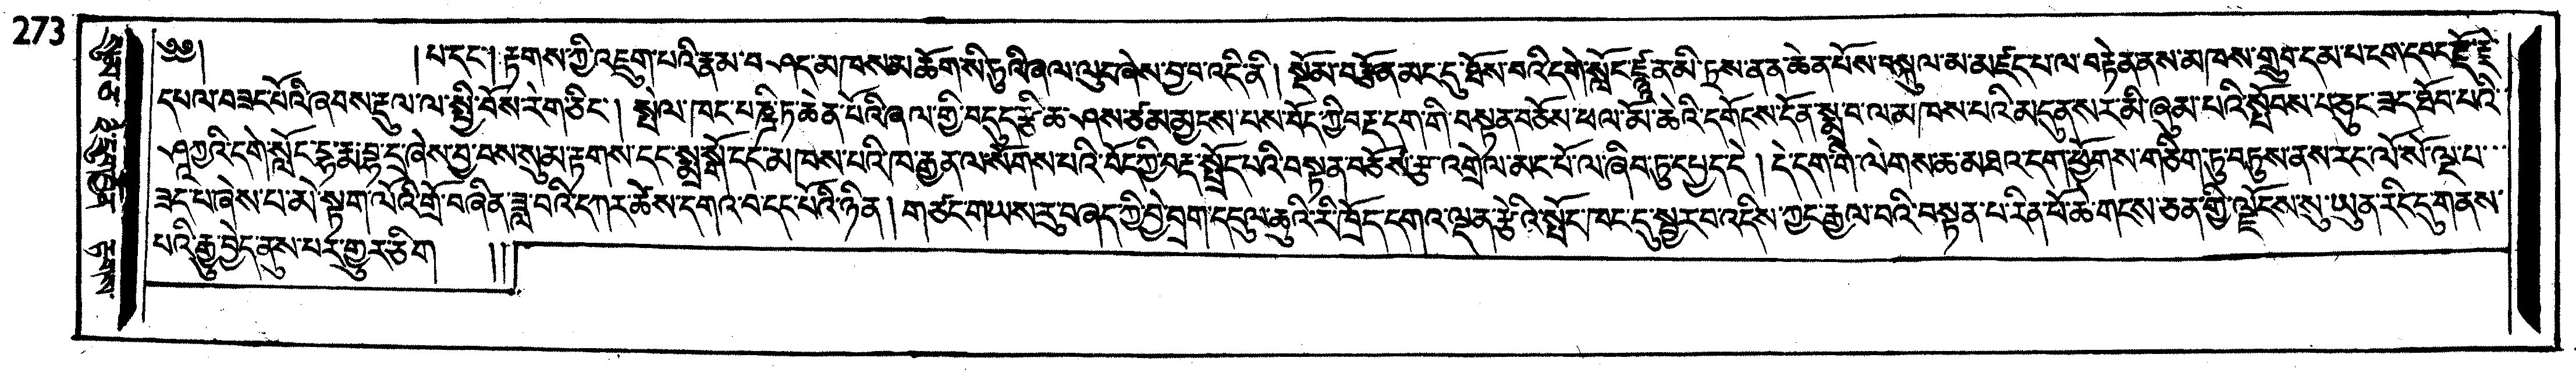༄༅། །པ་དང་། རྟགས་ཀྱི་འཇུག་པའི་རྣམ་བཤད་མཁས་མཆོག་སི་ཏུའི་ཞལ་ལུང་ཞེས་བྱ་བ་འདི་ནི། སྡོམ་བརྩོན་མང་དུ་ཐོས་བའི་དགེ་སློང་ཛྙཱ་ན་མི་ཏྲས་ནན་ཆེན་པོས་བསྐུལ་མ་མཛད་པ་ལ་བརྟེན་ནས་མཁས་གྲུབ་དམ་པ་ངག་དབང་རྡོ་རྗེ་
དཔལ་བཟང་པོའི་ཞབས་རྡུལ་ལ་སྤྱི་བོས་རེག་ཅིང་། སྤེལ་ཁང་པཎྜི་ཏ་ཆེན་པོའི་ཞལ་གྱི་བདུད་རྩི་ཆ་ཤས་ཙམ་མྱངས་པས་བོད་ཀྱི་བརྡ་དག་གི་བསྟན་བཅོས་ཕལ་མོ་ཆེའི་དགོངས་དོན་སྨྲ་བ་ལ་མཁས་པའི་མདུན་སར་མི་ཞུམ་པའི་སྤོབས་པ་ཅུང་ཟད་ཐོབ་པའི་
ཤཱཀྱའི་དགེ་སློང་དྷ་རྨ་བྷ་དྲ་ཞེས་བྱ་བས་སུམ་རྟགས་དང་སྨྲ་སྒོ་དང་མཁས་པའི་ཁ་རྒྱན་ལ་སོགས་པའི་བོད་ཀྱི་བརྡ་སྤྲོད་པའི་བསྟན་བཅོས་རྩ་འགྲེལ་མང་པོ་ལ་ཞིབ་ཏུ་དཔྱད་དེ། དེ་དག་གི་ལེགས་ཆ་མཐའ་དག་ཕྱོགས་གཅིག་ཏུ་བཏུས་ནས་རང་ལོ་སོ་ལྔ་པ་
ཟད་པ་ཞེས་པ་མེ་སྟག་ལོའི་གྲོ་བཞིན་ཟླ་བའི་དཀར་ཚེས་དགའ་བ་དང་པོའི་ཉིན། གཙང་གཡས་རུ་བཞད་ཀྱི་བྱེ་བྲག་དངུལ་ཆུའི་རི་ཁྲོད་དགའ་ལྡན་རྩེའི་སྤོང་ཁང་དུ་སྦྱར་བ་འདིས་ཀྱང་རྒྱལ་བའི་བསྟན་པ་རིན་པོ་ཆེ་གངས་ཅན་གྱི་ལྗོངས་སུ་ཡུན་རིང་དུ་གནས་
པའི་རྒྱུ་བྱེད་ནུས་པར་གྱུར་ཅིག །།